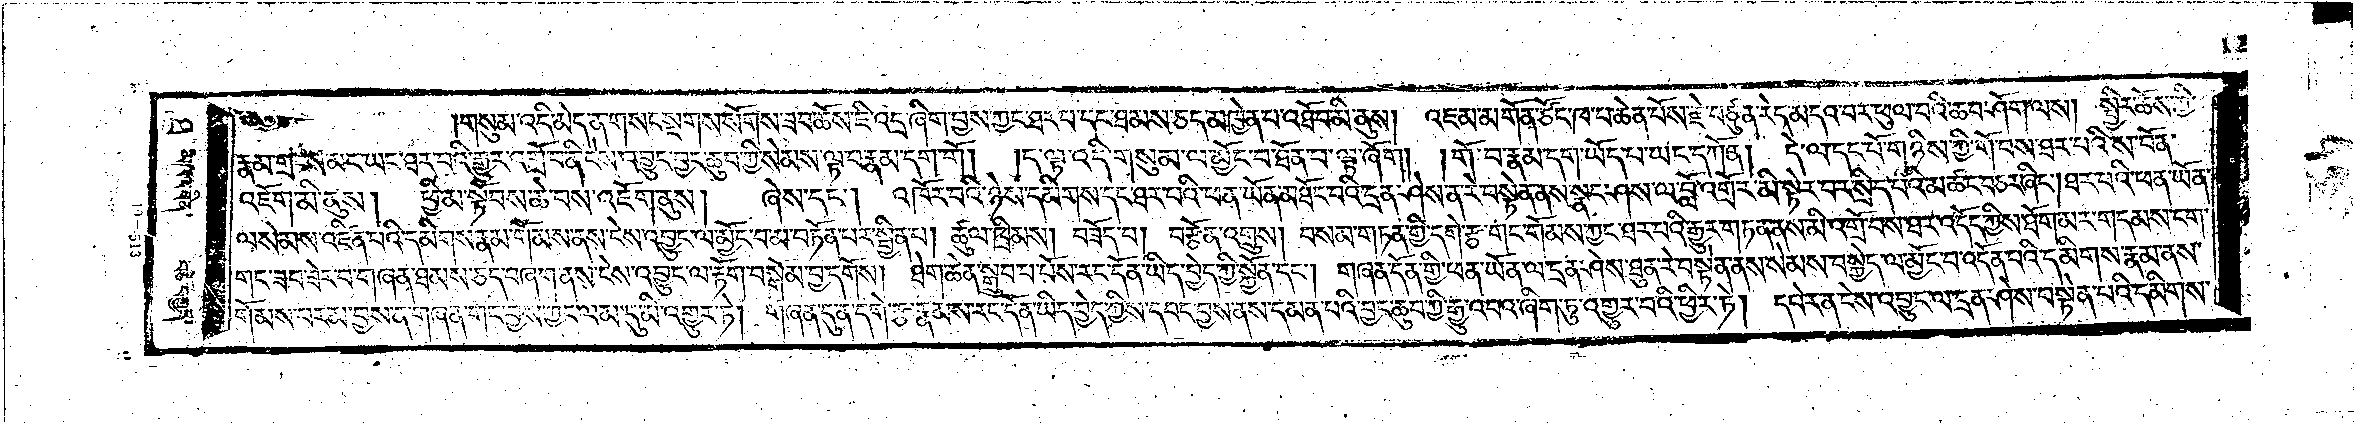༄༅། །གསུམ་འདི་མེད་ན་གསང་སྔགས་སོགས་ཟབ་ཆོས་ཇི་འདྲ་ཞིག་བྱས་ཀྱང་ཐར་པ་དང་ཐམས་ཅད་མཁྱེན་པ་འཐོབ་མི་ནུས། འཇམ་མགོན་ཙོང་ཁ་པ་ཆེན་པོས་རྗེ་བཙུན་རེད་མདའ་བར་ཕུལ་བའི་ཆབ་ཤོག་ལས། སྤྱིར་ཆོས་ཀྱི་
རྣམ་གྲངས་མང་ཡང་ཐར་བའི་རྒྱུར་འགྲོ་བ་ནི་ངེས་འབྱུང་བྱང་ཆུབ་ཀྱི་སེམས་ལྟ་བ་རྣམ་དག་གོ། །ད་ལྟ་འདི་གསུམ་ལ་མྱོང་བ་ཐོན་པ་ལྟ་ཞོག །གོ་བ་རྣམ་དག་ཡོད་པ་ཡང་དཀོན། དེ་ལ་དང་པོ་གཉིས་ཀྱི་གོ་བས་ཐར་པའི་ས་བོན་
འཇོག་མི་ནུས། ཕྱི་མ་སྟོབས་ཆེ་བས་འཇོག་ནུས། ཞེས་དང་། འཁོར་བའི་ཉེས་དམིགས་དང་ཐར་པའི་ཕན་ཡོན་མཐོང་བའི་དྲན་ཤེས་ན་རེ་བསྟེན་ནས་སྣང་ཤས་ལ་བློ་འགྲོར་མི་སྟེར་བར་སྲིད་པའི་མཚང་བཅར་ཞིང་། ཐར་བའི་ཕན་ཡོན་
ལ་སེམས་འཛིན་པའི་དམིགས་རྣམ་གོམས་ནས་ངེས་འབྱུང་ལ་མྱོང་བ་མ་བཏོན་པར་སྦྱིན་པ། ཚུལ་ཁྲིམས། བཟོད་པ། བརྩོན་འགྲུས། བསམ་གཏན་གྱི་དགེ་རྩ་གང་གོམས་ཀྱང་ཐར་བའི་རྒྱུར་གཏན་ནས་མི་འགྲོ་བས་ཐར་འདོད་ཀྱིས་ཐོག་མར་གདམས་ངག་
གང་ཟབ་ཟེར་བ་གཞན་ཐམས་ཅད་བཞག་ནས་ངེས་འབྱུང་ལ་རྟོག་བསྒོམ་བྱ་དགོས། ཐེག་ཆེན་སྒྲུབ་པ་པོས་རང་དོན་ཡིད་བྱེད་ཀྱི་སྐྱོན་དང་། གཞན་དོན་གྱི་ཕན་ཡོན་ལ་དྲན་ཤེས་ཐུན་རེ་བསྟེན་ནས་སེམས་བསྐྱེད་ལ་མྱོང་བ་འདོན་པའི་དམིགས་རྣམ་ནས་
གོམས་པར་མ་བྱས་ན་གཞན་གང་བྱས་ཀྱང་ལམ་དུ་མི་འགྱུར་ཏེ། གཞན་དུ་ན་དགེ་རྩ་རྣམས་རང་དོན་ཡིད་བྱེད་ཀྱིས་དབང་བྱས་ནས་དམན་པའི་བྱང་ཆུབ་ཀྱི་རྒྱུ་འབའ་ཞིག་ཏུ་འགྱུར་བའི་ཕྱིར་ཏེ། དཔེར་ན་ངེས་འབྱུང་ལ་དྲན་ཤེས་བསྟེན་པའི་དམིགས་